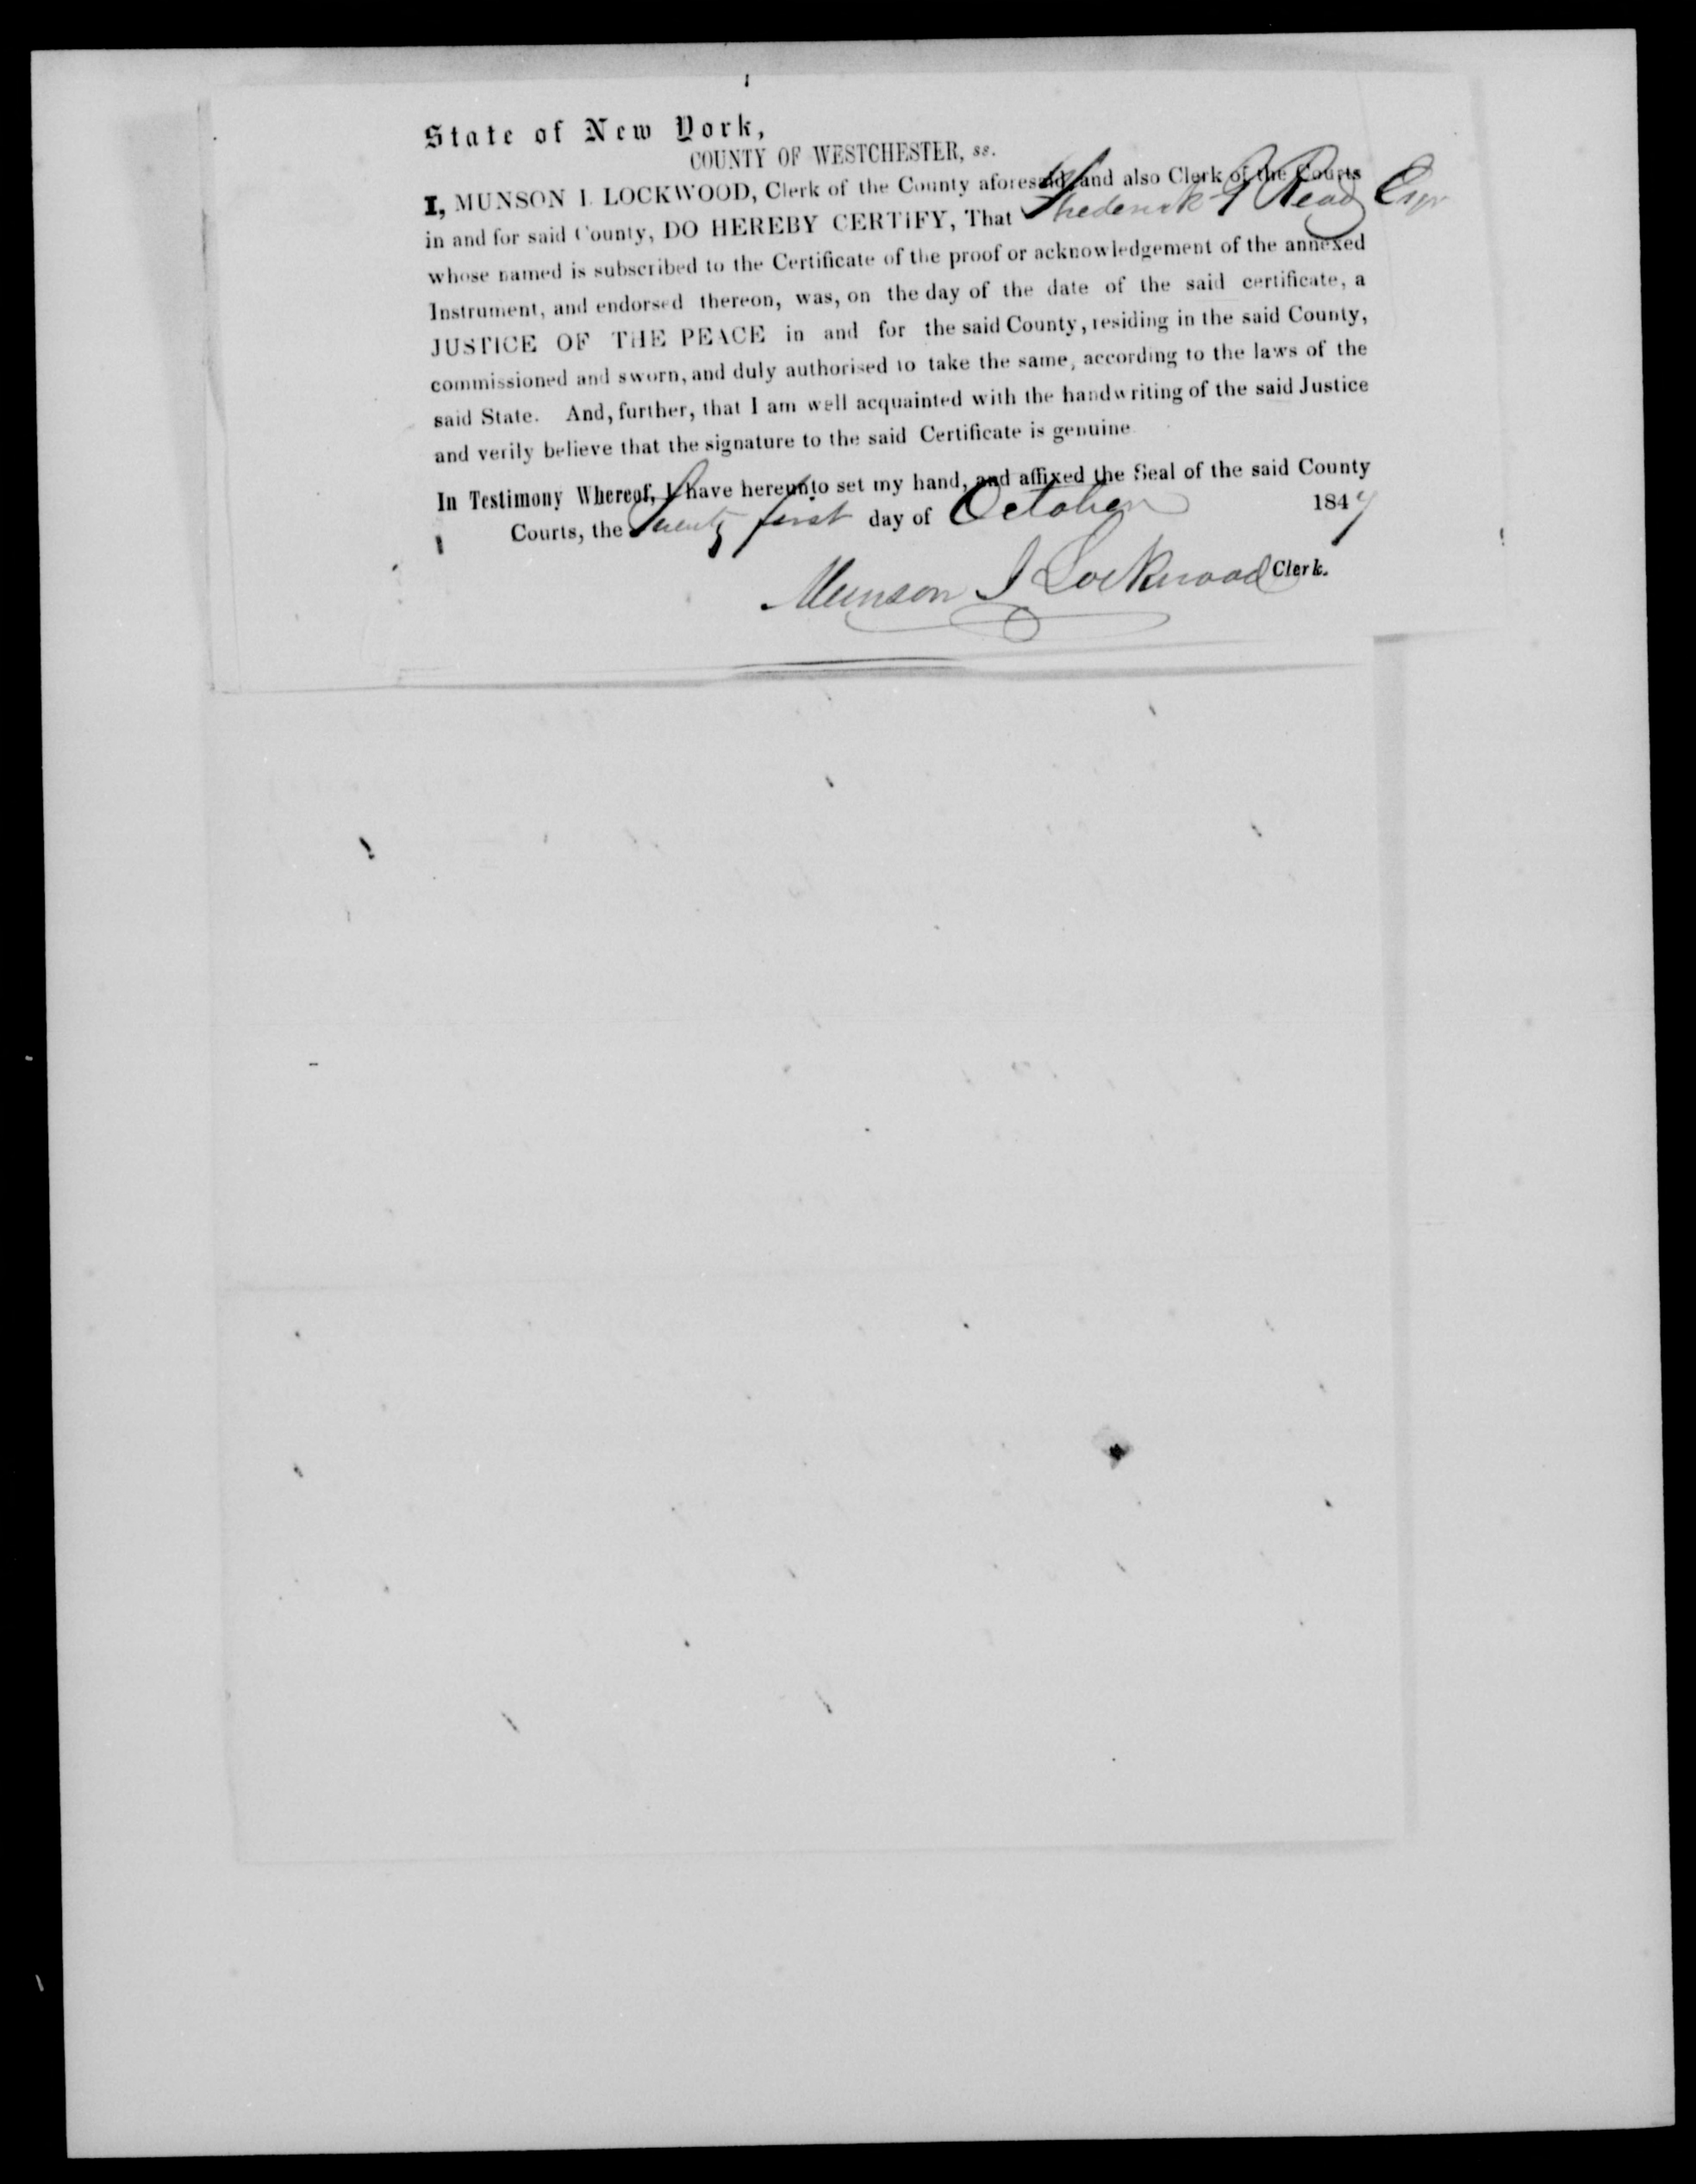State of New York, County of Westchester, ss.
I, Munson I. Lockwood, Clerk of the County aforesaid and also Clerk of the Courts in and for said County, Do Hereby Certify, That Frederick G. Read Esqr. whose named is subscribed to the Certificate of the proof or acknowledgement of the annexed Instrument, and endorsed thereon, was, on the day of the date of the said certificate, a Justice of the Peace in and for the said County, residing in the said County, commissioned and sworn, and duly authorised to take the same, according to the laws of the said State. And, further, that I am well acquainted with the handwriting of the said Justice and verily believe that the signature to the said Certificate is genuine.

In Testimony Whereof, I have hereunto set my hand, and affixed the Seal of the said County Courts, the twenty first day of October 1847
Munson I. Lockwood Clerk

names: Munson I Lockwood; Frederick G Read; Munson J Lockwood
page: 51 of 77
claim: survivor's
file: S. 23003, for Silas Southerland, New York